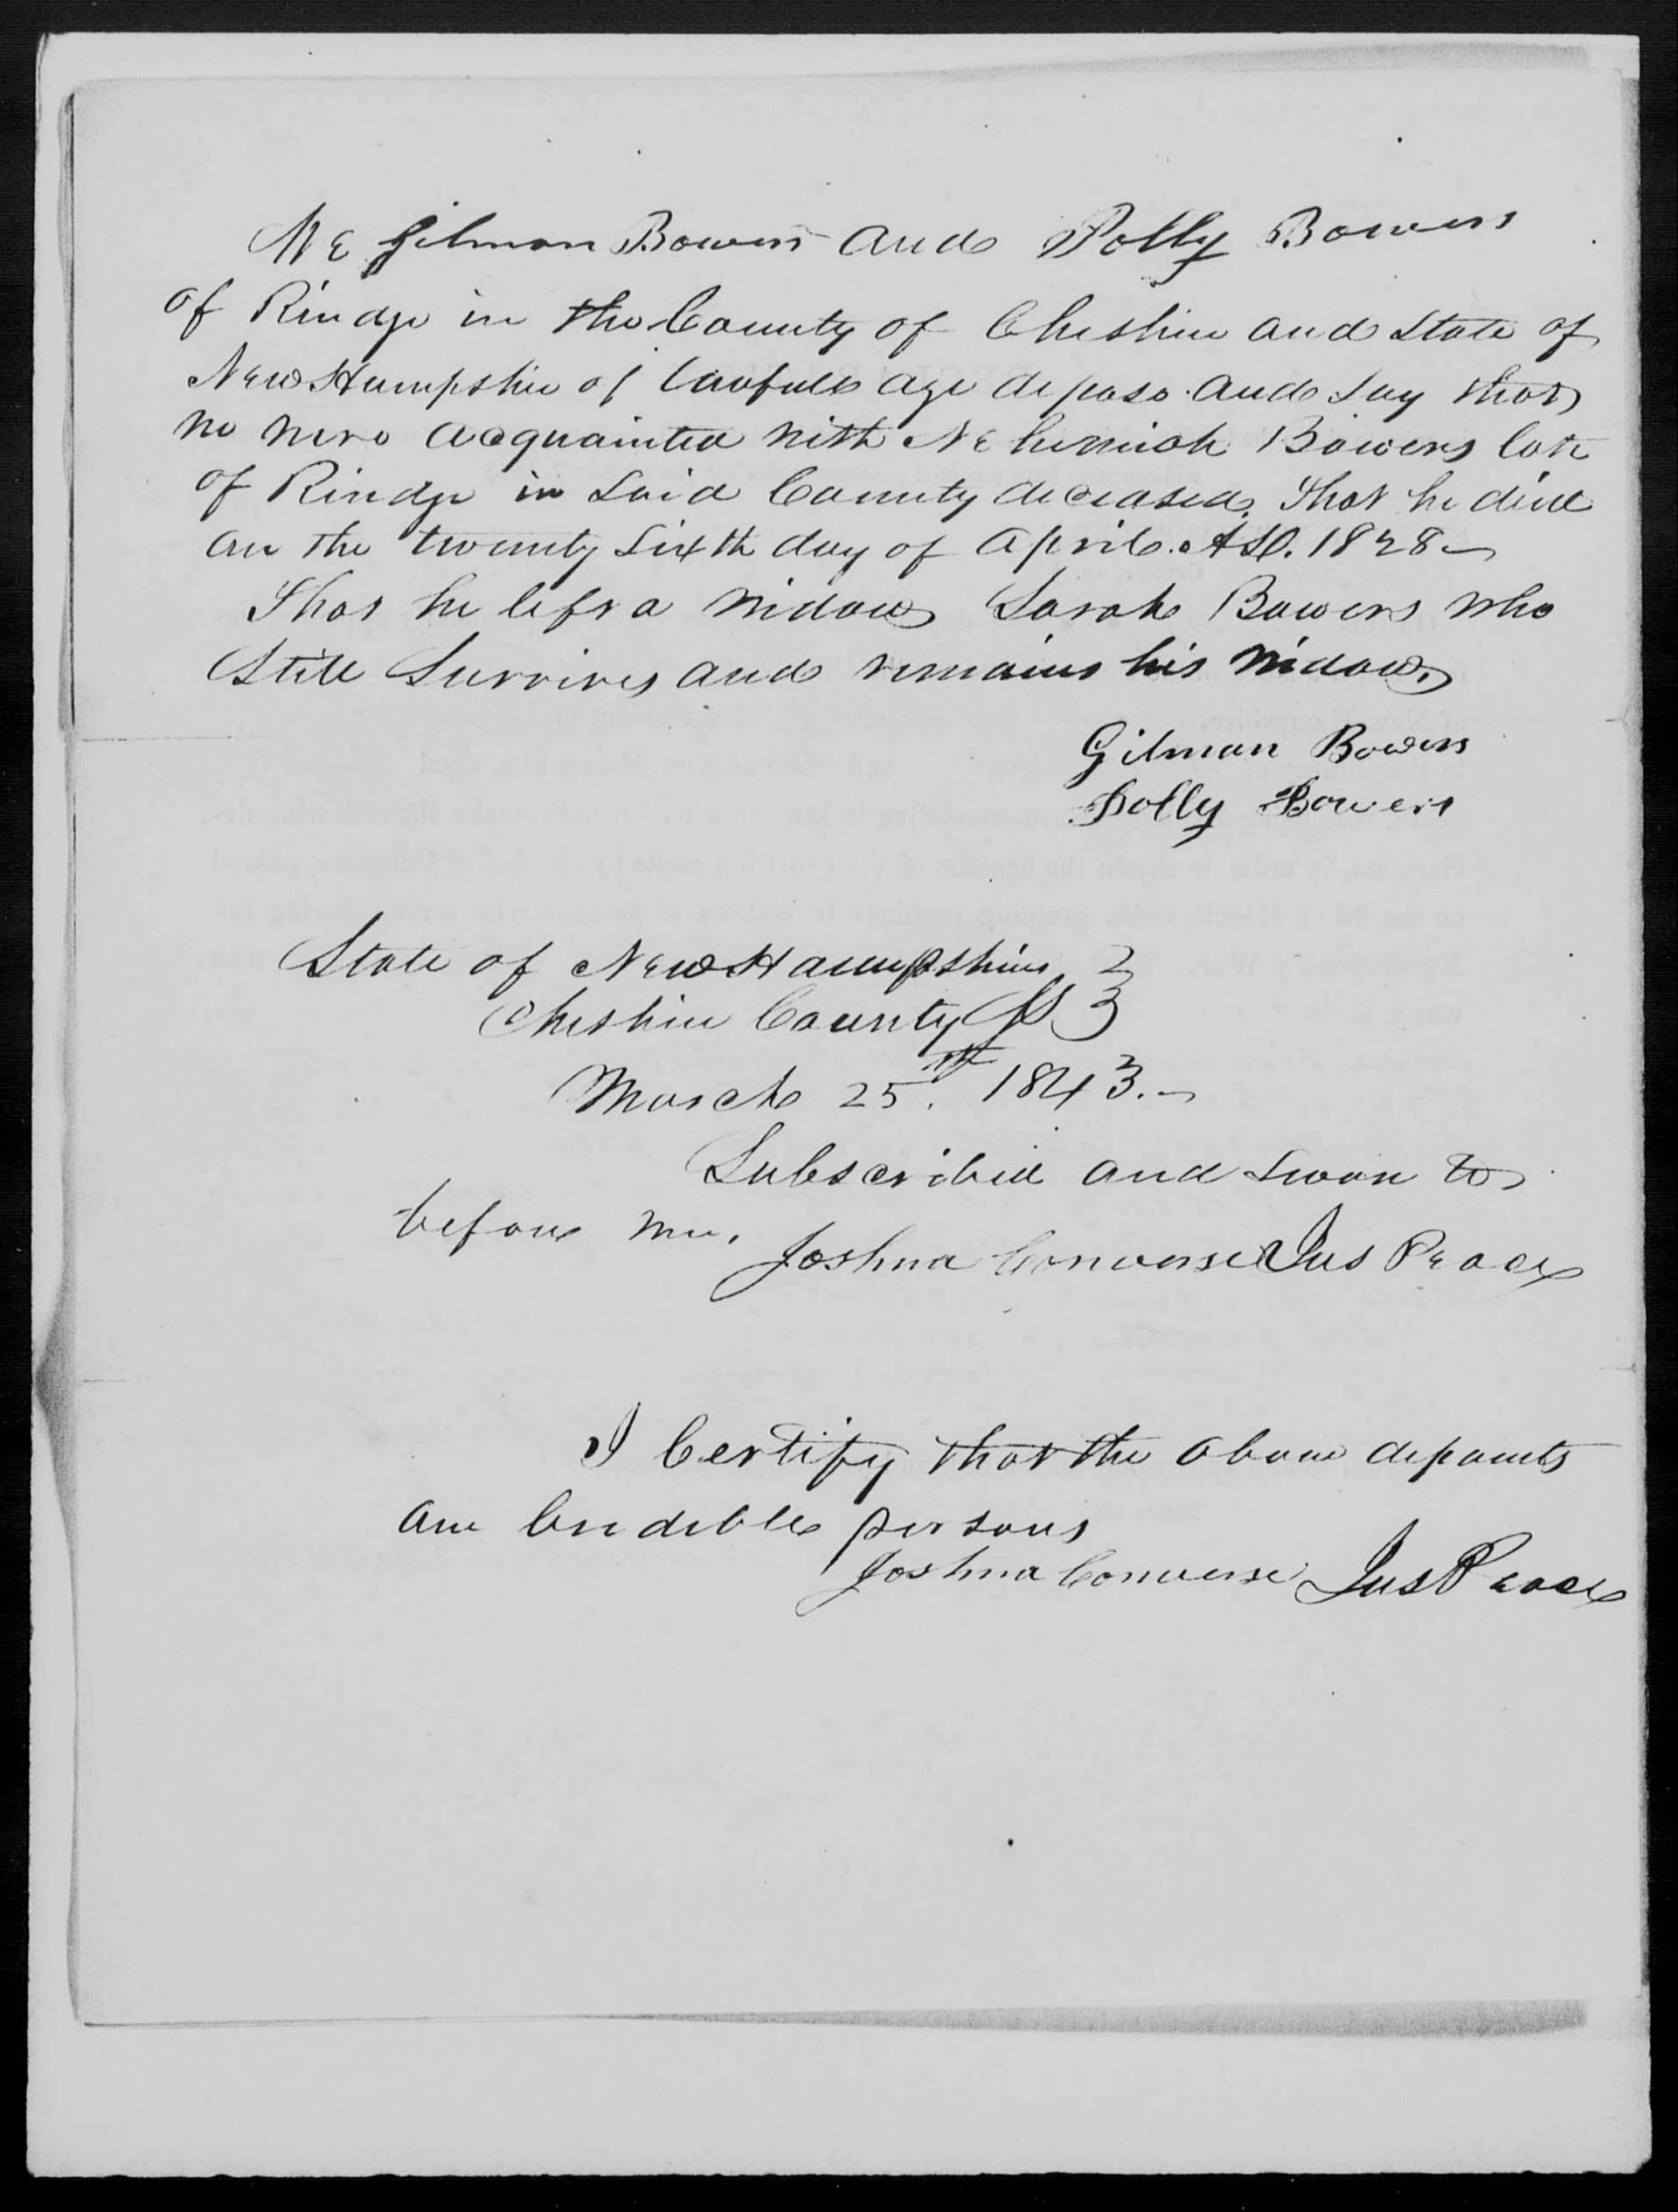We Gilman Bowers and Polly Bowers
of Rindge in the County of Cheshire and State of
New Hampshire of lawful age depose and say that
no more acquainted with Nehemiah Bowers late
of Rindge in said County deceased, that he died
on the twenty sixth day of April AD 1828-
That he left a widow Sarah Bowers who
still survives and remains his widow.
Gilman Bowers
Polly Bowers
State of New Hampshire
Cheshire County ss
March 25,1843.-
Subscribed and sworn to
before me,
Joshua Converse Jus Peace
I certify that the above [illegible]
are credible persons
Joshua Converse Jus Peace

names: Gilman Bowers, Gilman Bowers, Nehemiah Bowers, Joshua Converse, Joshua Converse, Polly Bowers, Sarah Bowers, Polly Bowers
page: 41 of 42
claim: widow's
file: W. 23,652, Nehemiah Bowers, Mass.